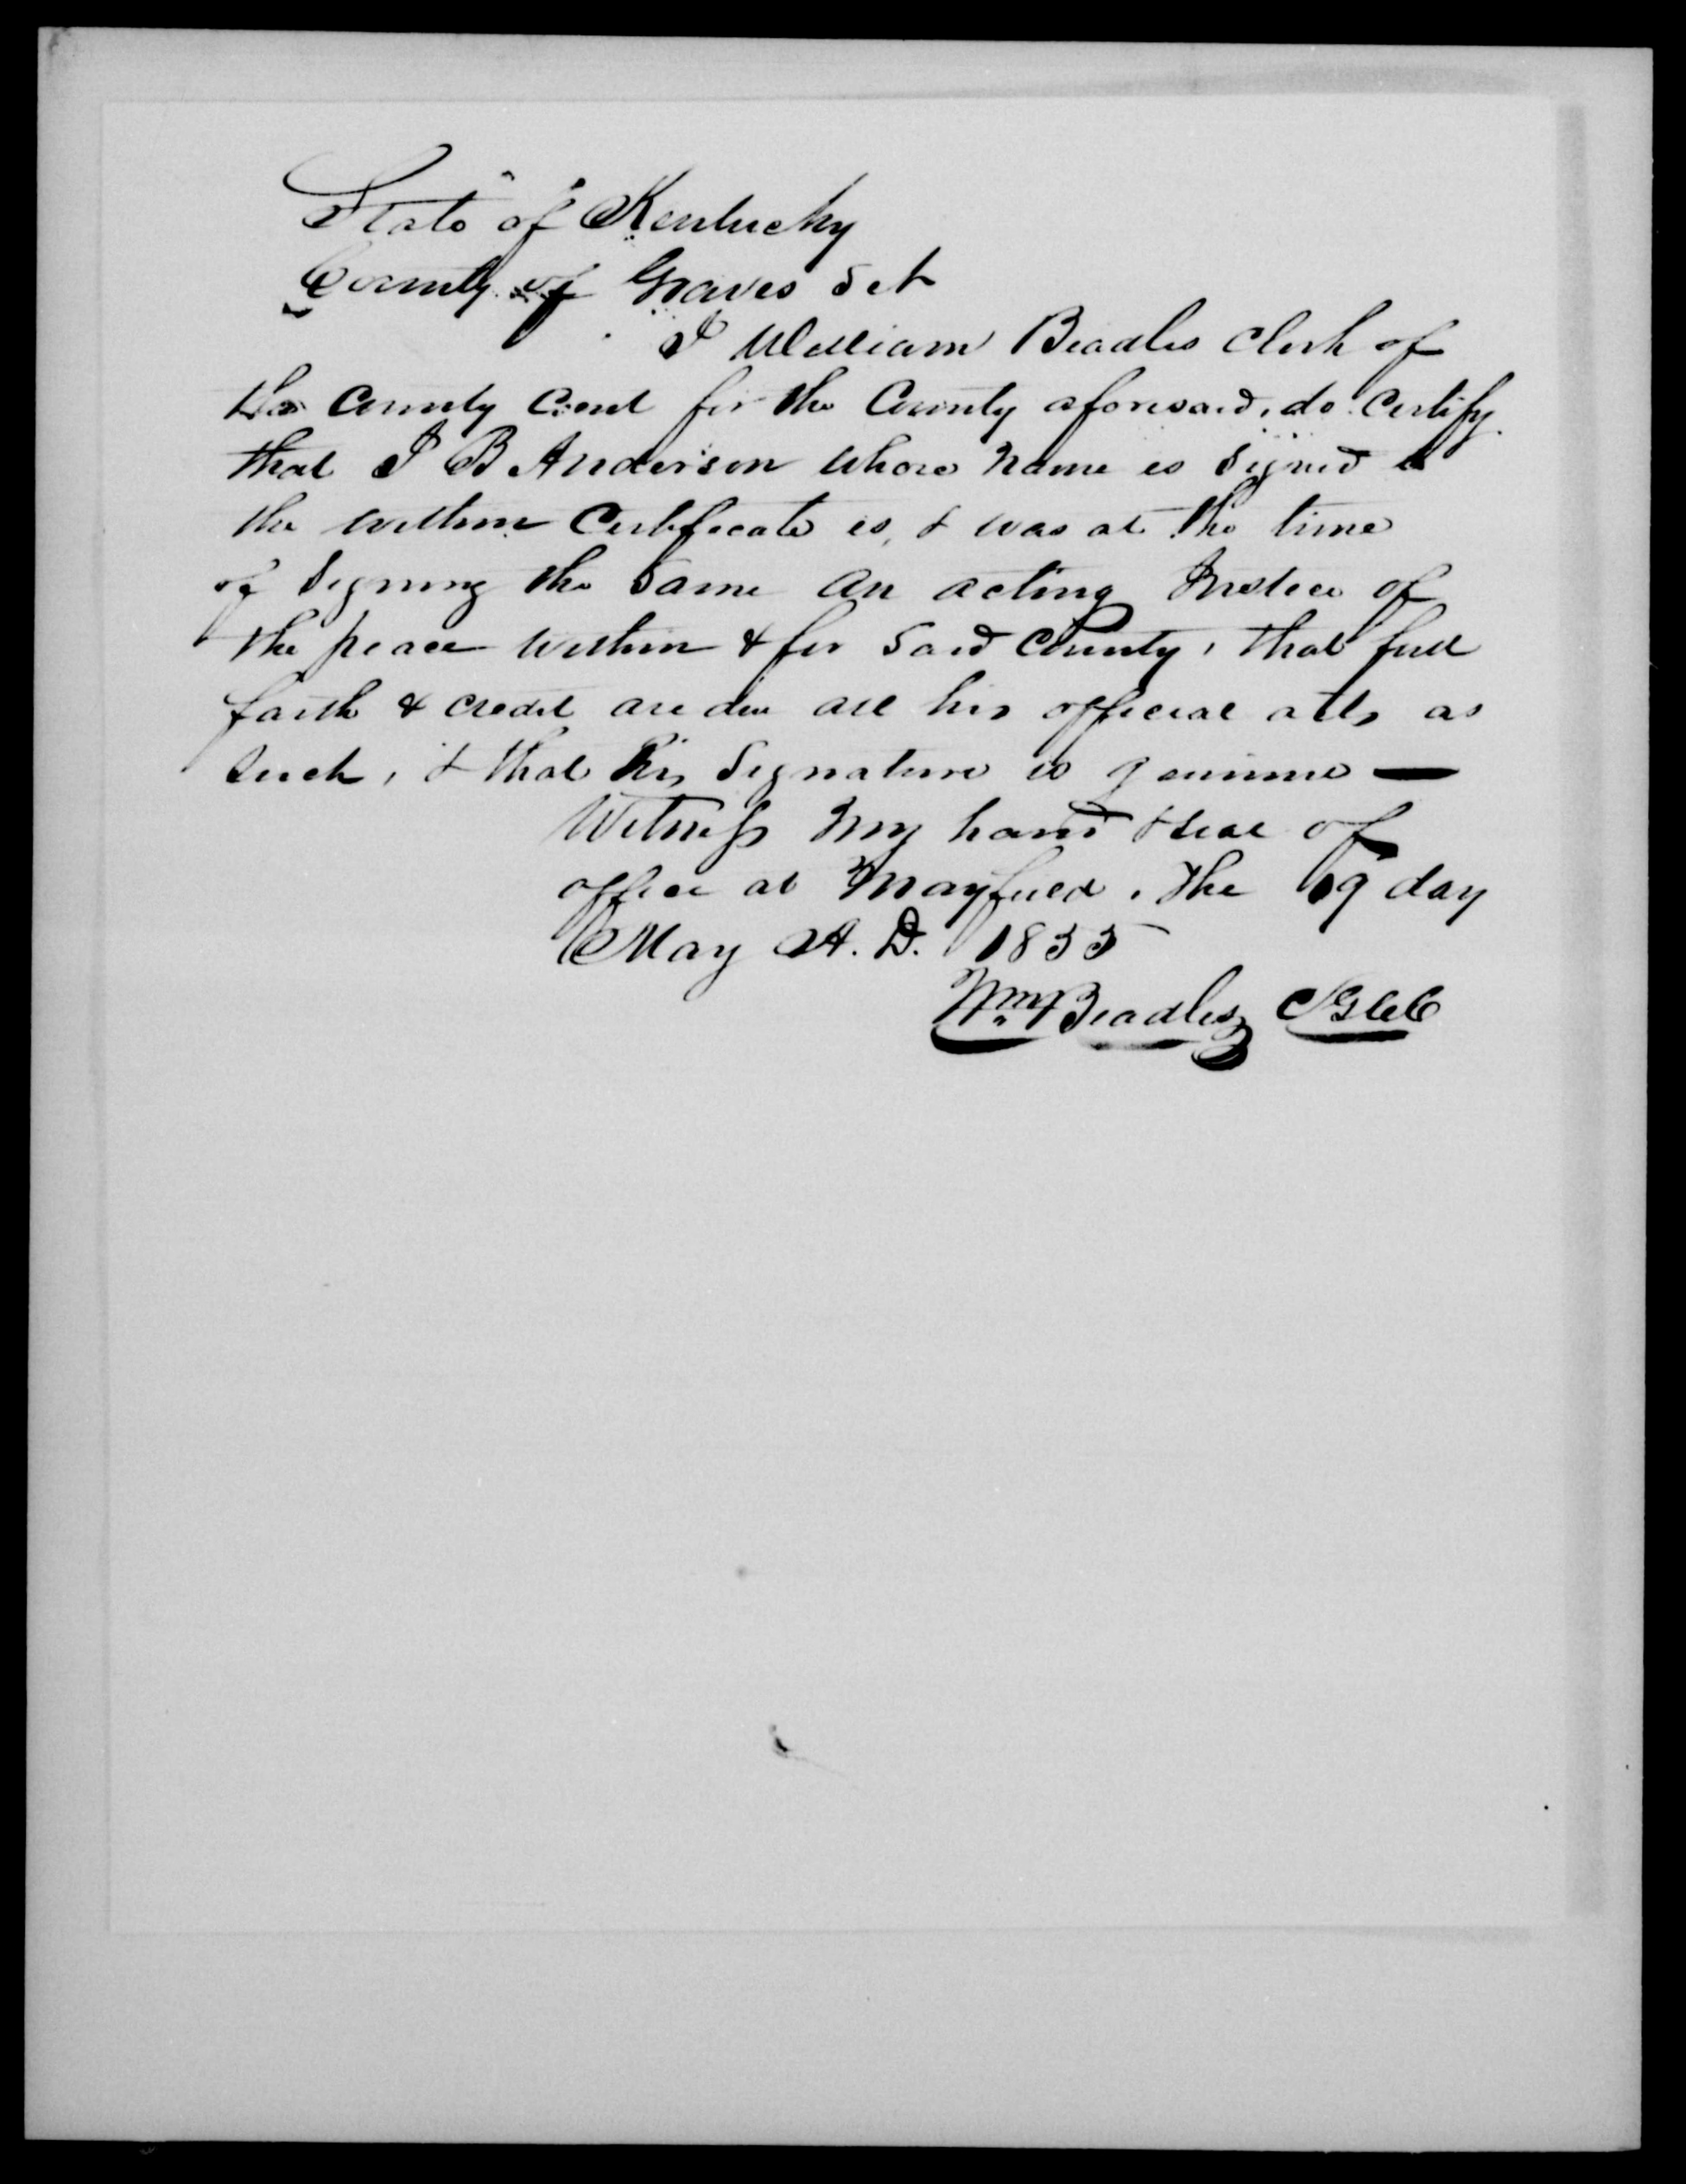State of Kentucky 
County of Graves seal 
I William Beadles Clerk of the County Court for the aforesaid, do certify that J. B. Anderson whose name is signed the within Certificate is  & was at the time of Signin the Same an acting Justice of the peace within & for Said County, that full faith & credit are in his official acts as such, & that his signature is genuine—
				Witnefs my hand & seal of 
				of office at Mayfield. The 9 day of May A. D. 1855
						Wm Beadles CGleC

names: J B Anderson; Wm Beadles; William Beadles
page: 29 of 61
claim: widow's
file: W. 11554, for John Stafford, Maryland